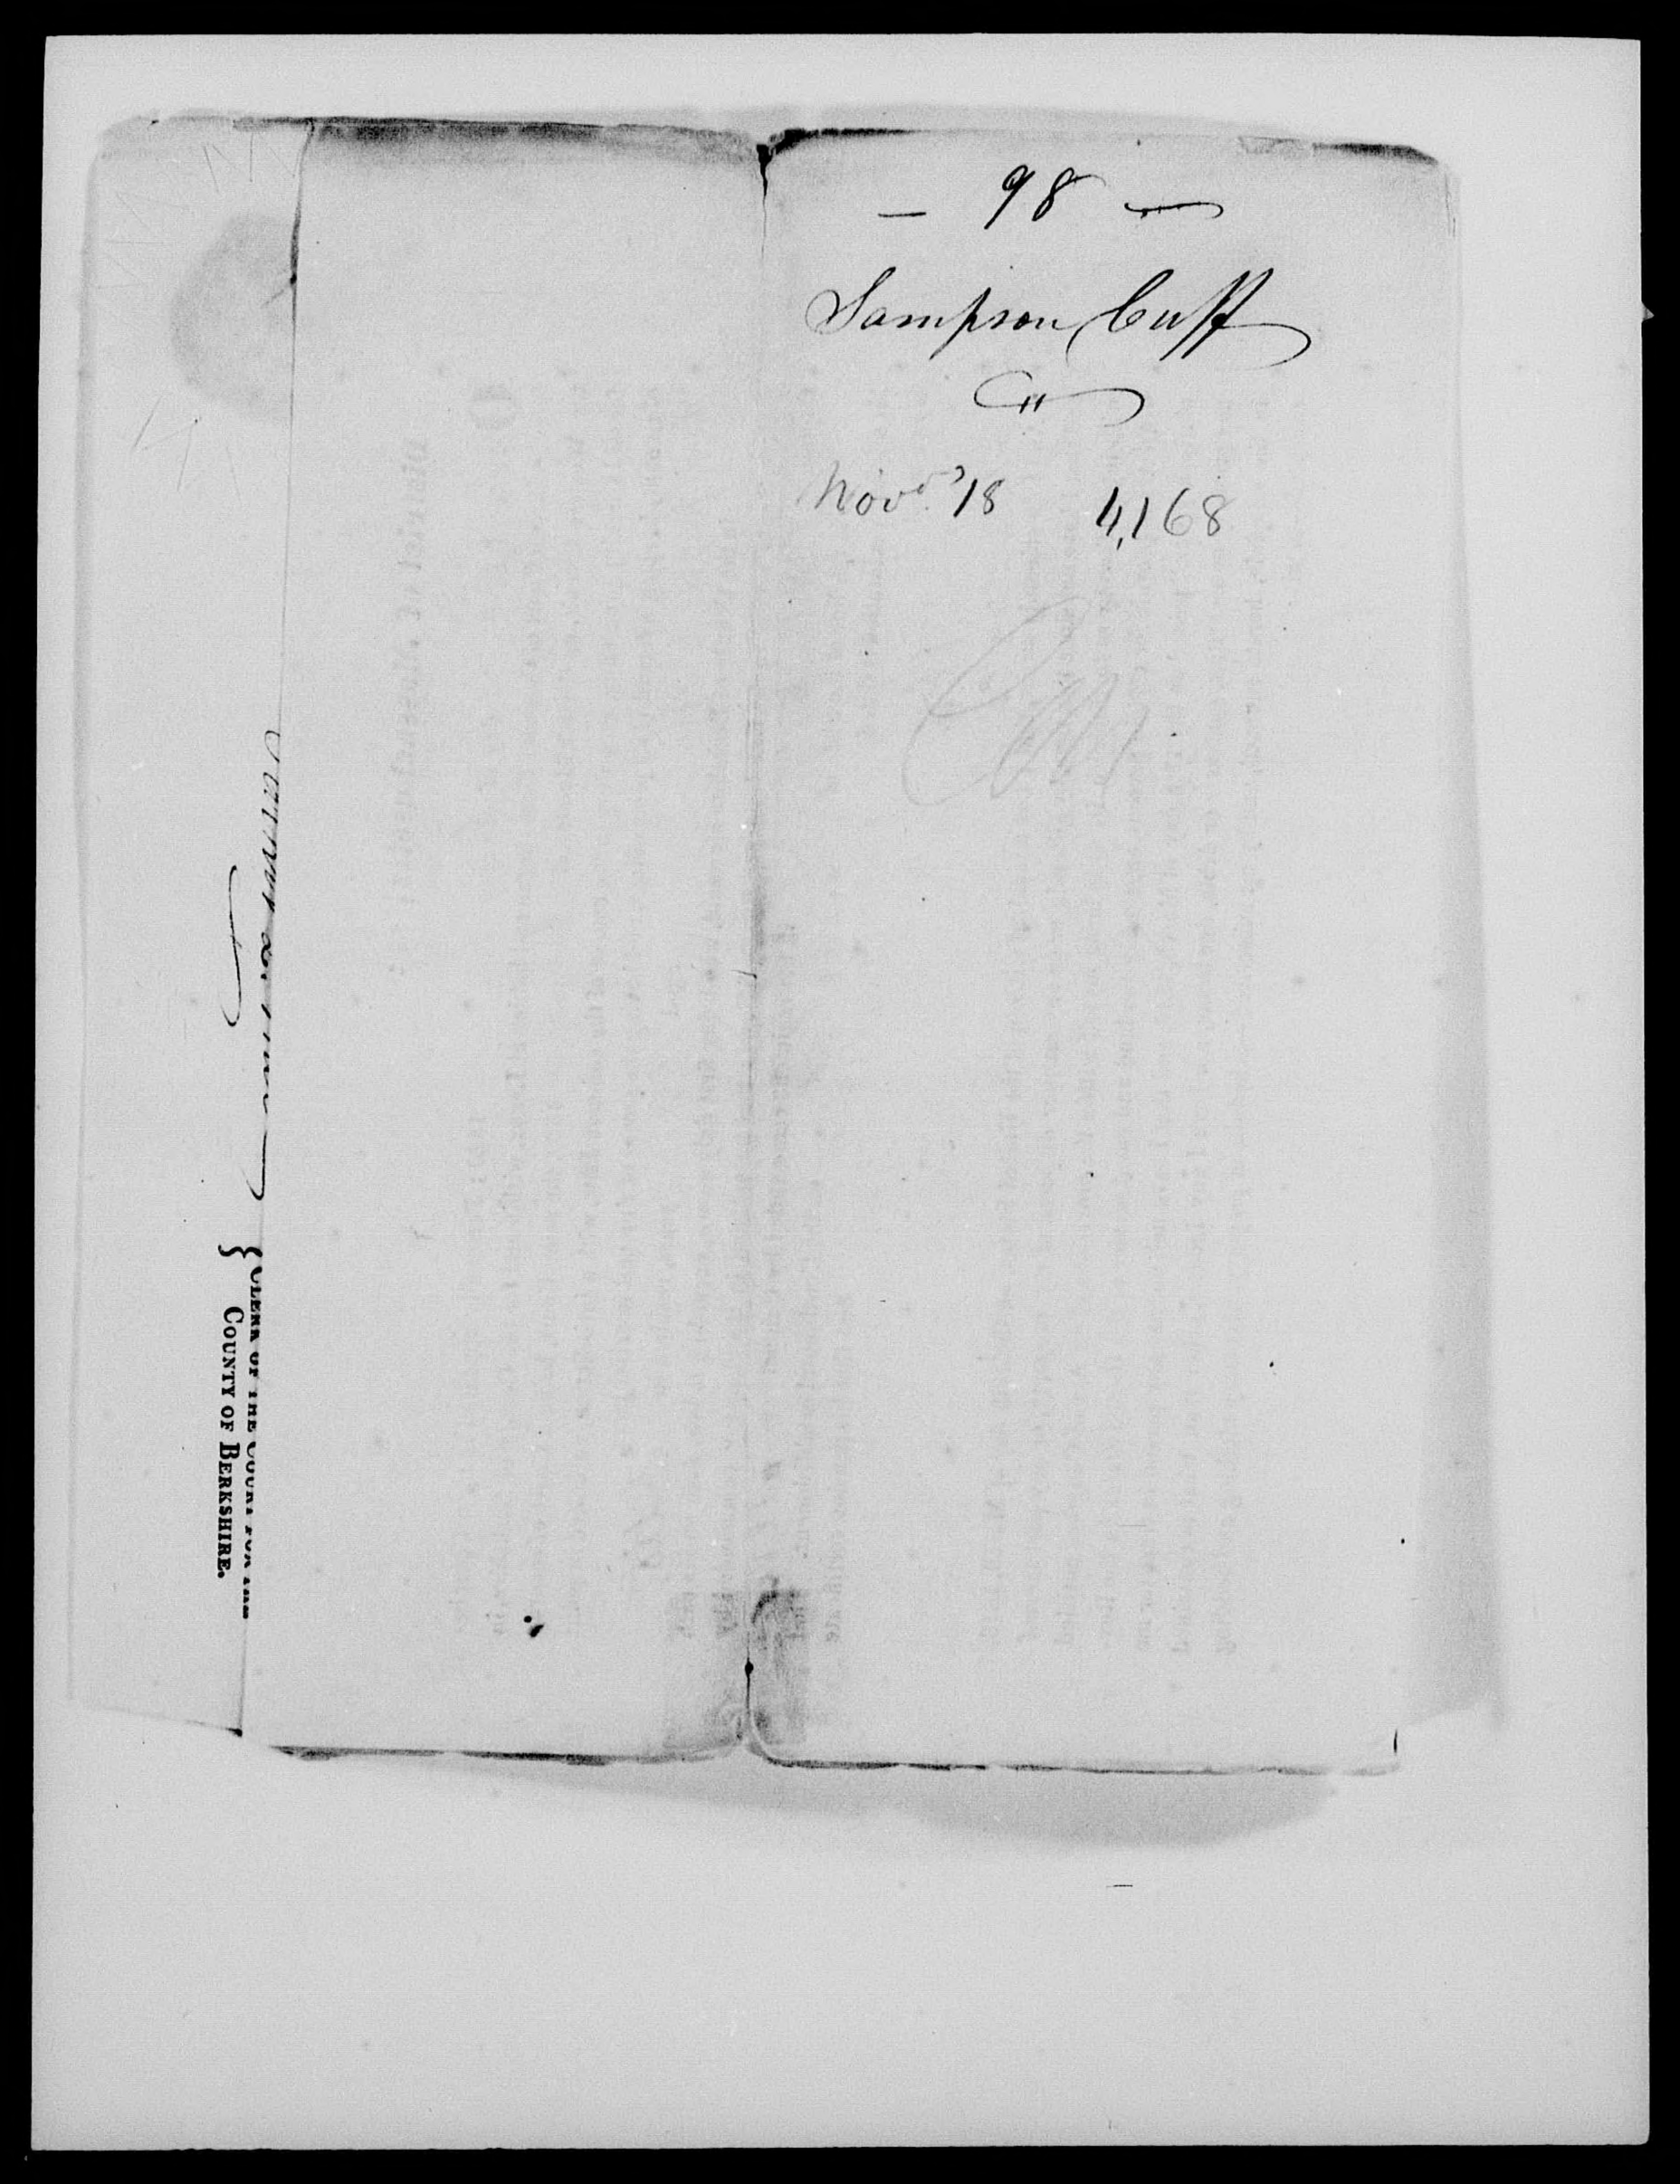- 98 - 
Sampson Cuff
Nov 18, 4,168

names: Sampson Cuff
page: 5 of 11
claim: survivor's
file: S. 34,616, Samson Cuff, Conn.